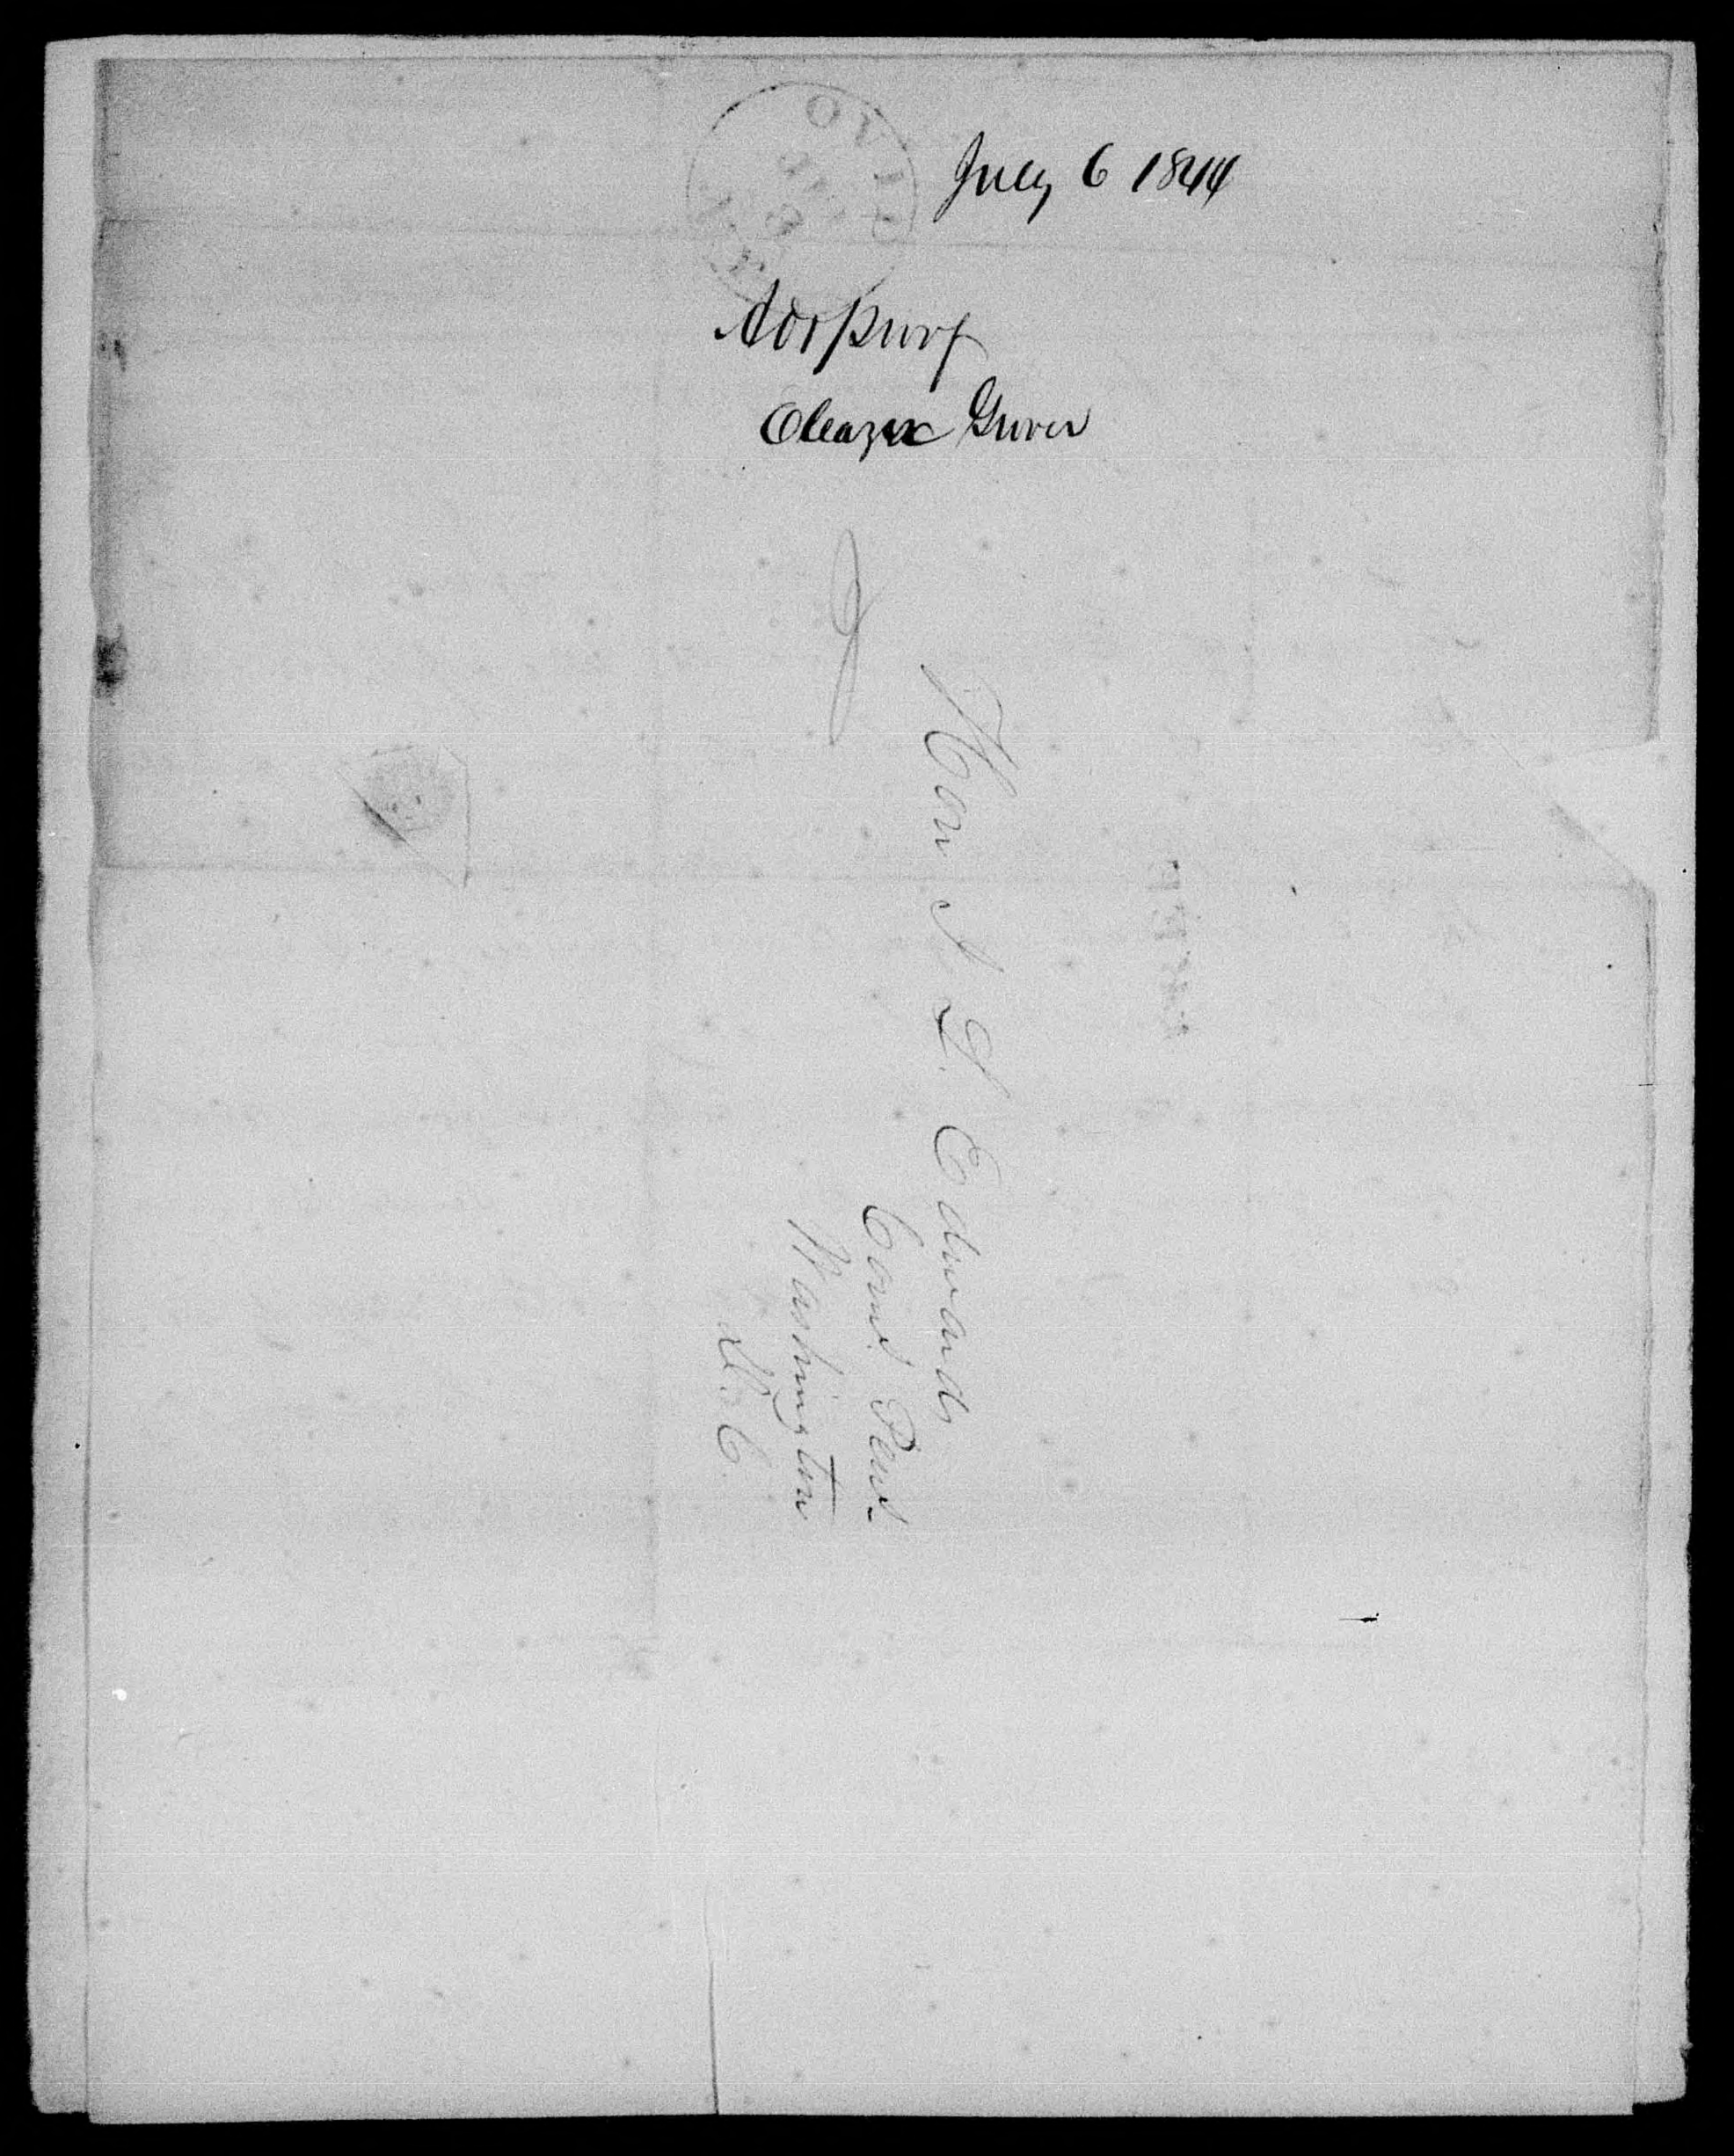[addressed envelope]
July 6 1844
Addl proof Eleazer Grover
[postmark: OVID N.Y. JUL 8]
FREE
Hon J. L. Edwards
Com'r Pensions
Washington D. C.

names: Eleazer Grover, J L Edwards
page: 31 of 43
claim: survivor's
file: S. 28748, Eleazer Grover, Continental Mass. Vt.